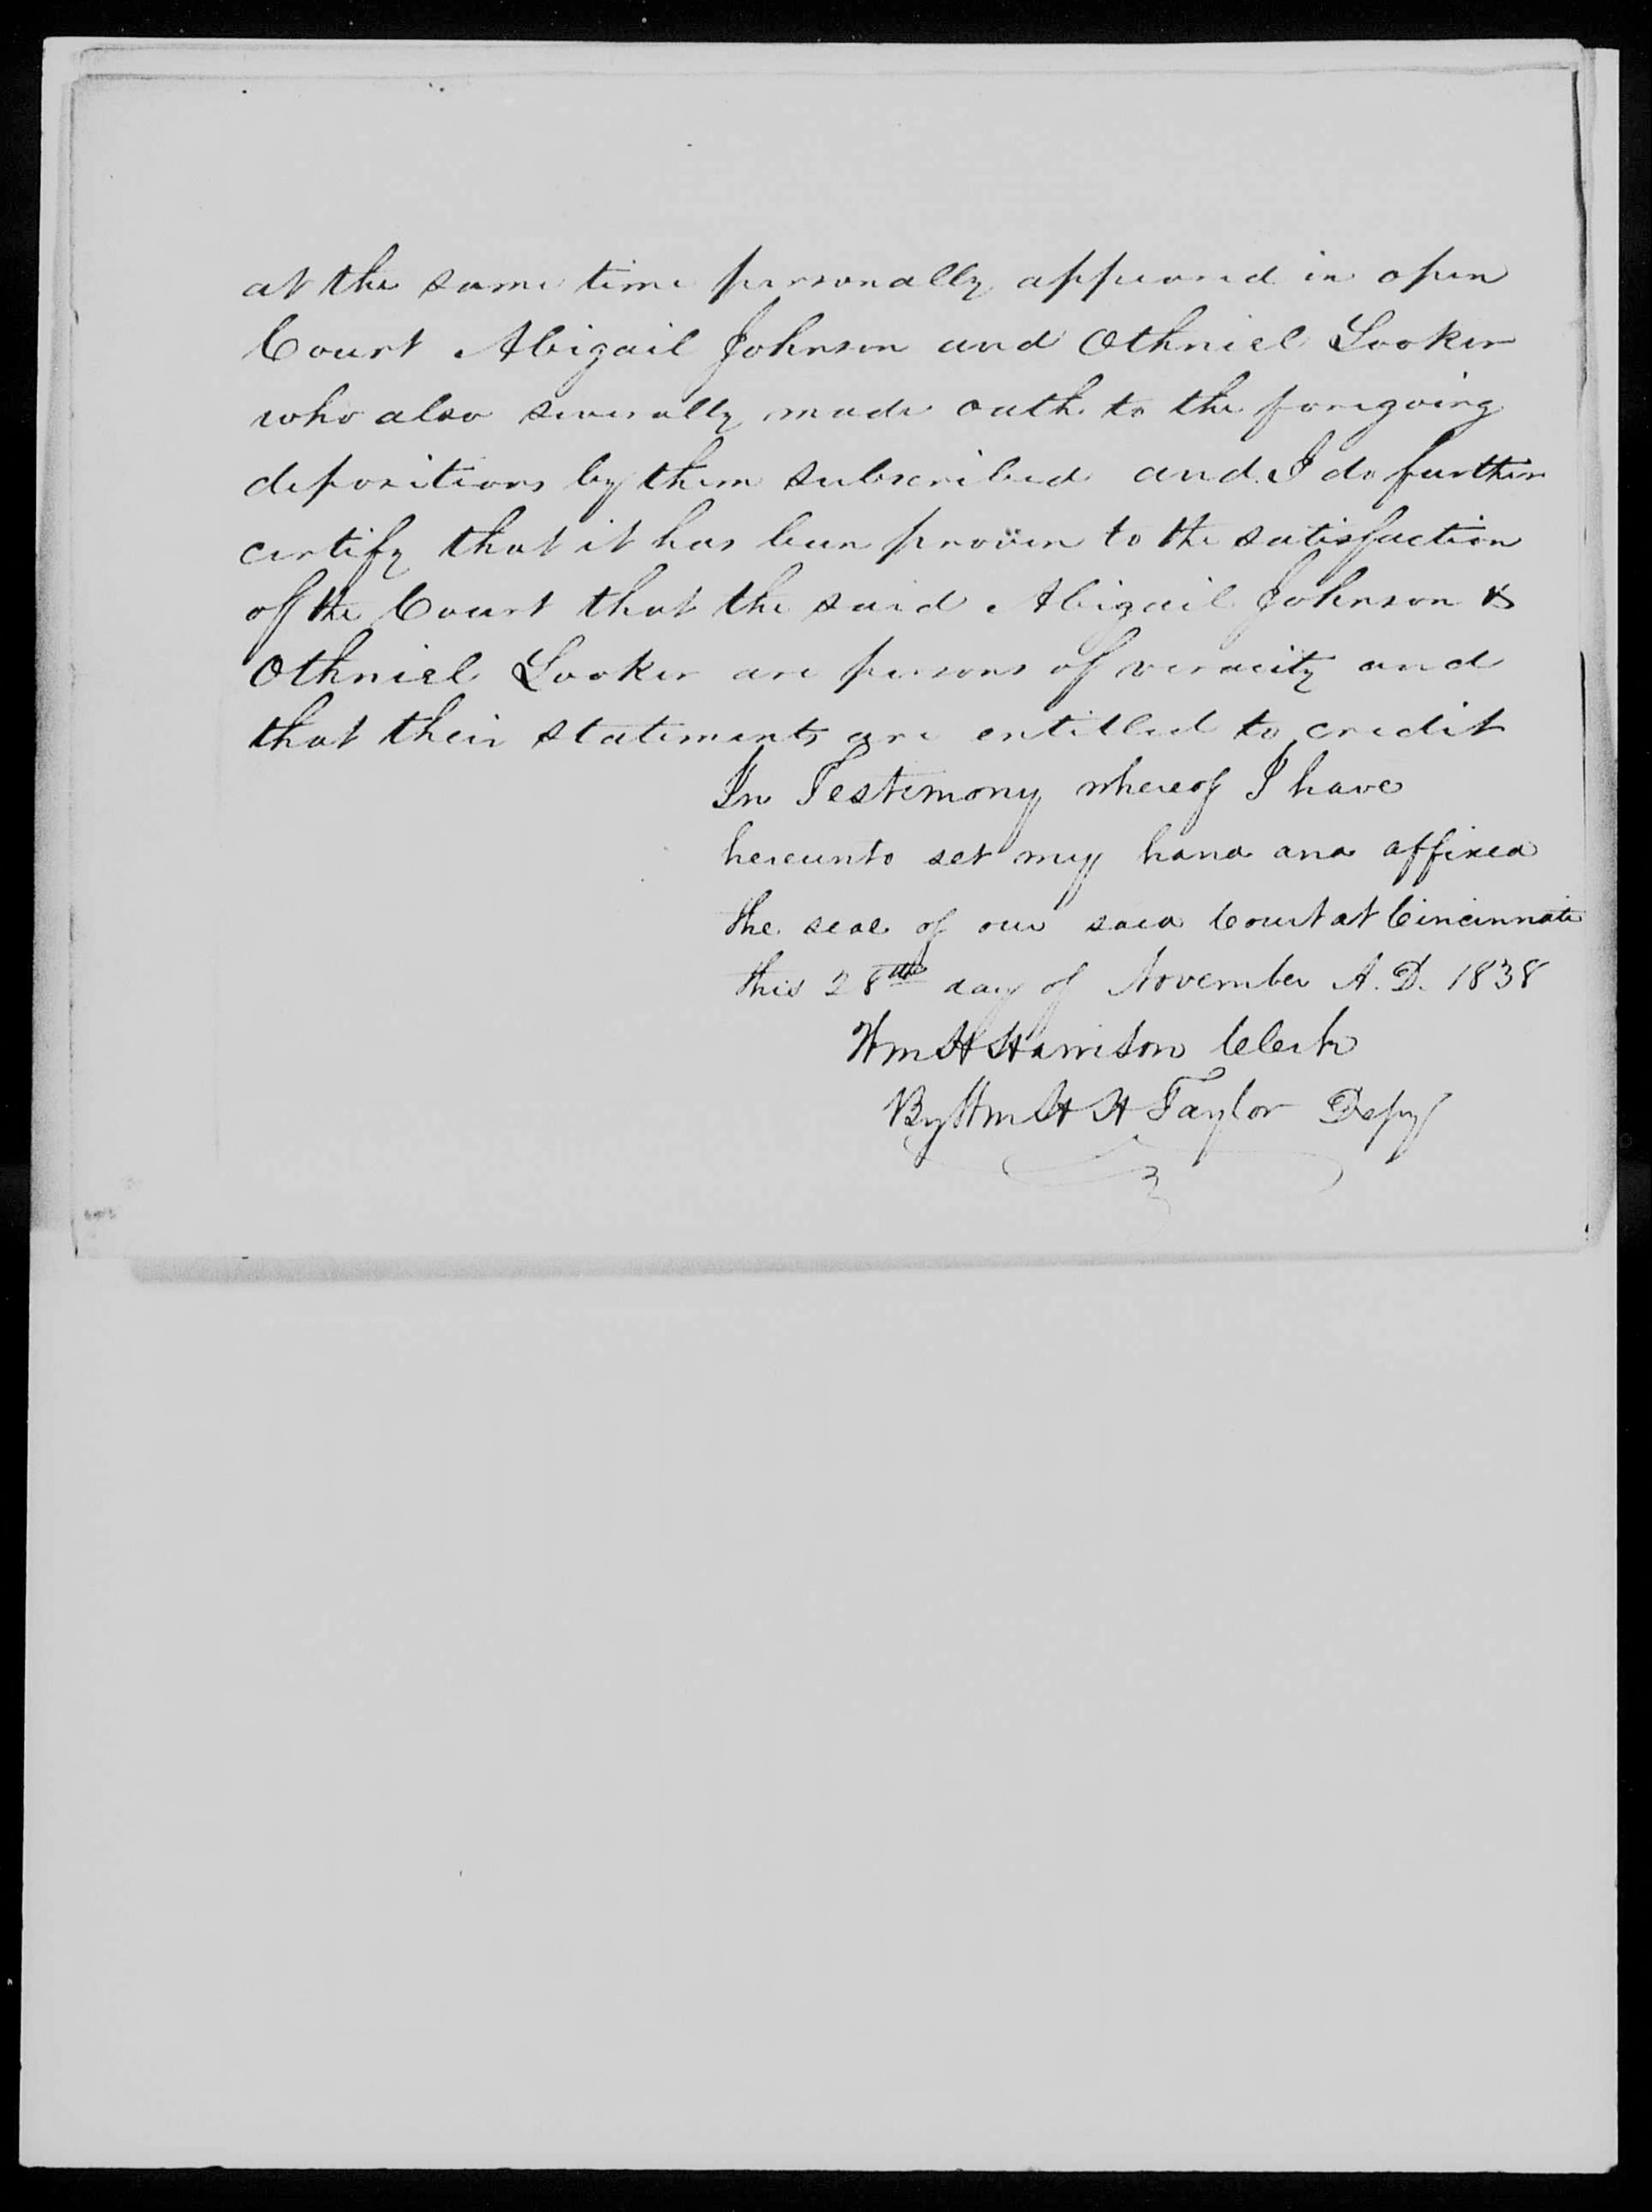at the same time personally appeared in open court Abigail Johnson and Othniel Looker who also severally made oath to the foregoing depositions by them subscribed and I do further certify that it has been proven to the satisfaction of the Court that the said Abigail Johnson & Othniel Looker are persons of veracity and that their statements are entitled to credit. 
In testimony whereof I have hereunto set my hand and affixed the seal of our said Court at Cincinnati this 28th day of November A.D. 1838.
Wm. H. Harrison Clerk
by Wm H.H. Taylor Depy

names: Wm H H Taylor, Othaniel Looker, Abigail Johnson, Wm H Harrison, Abigail Johnson, Othaniel Looker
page: 15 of 67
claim: rejected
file: R. 1009, Aaron Bonnel, New Jersey